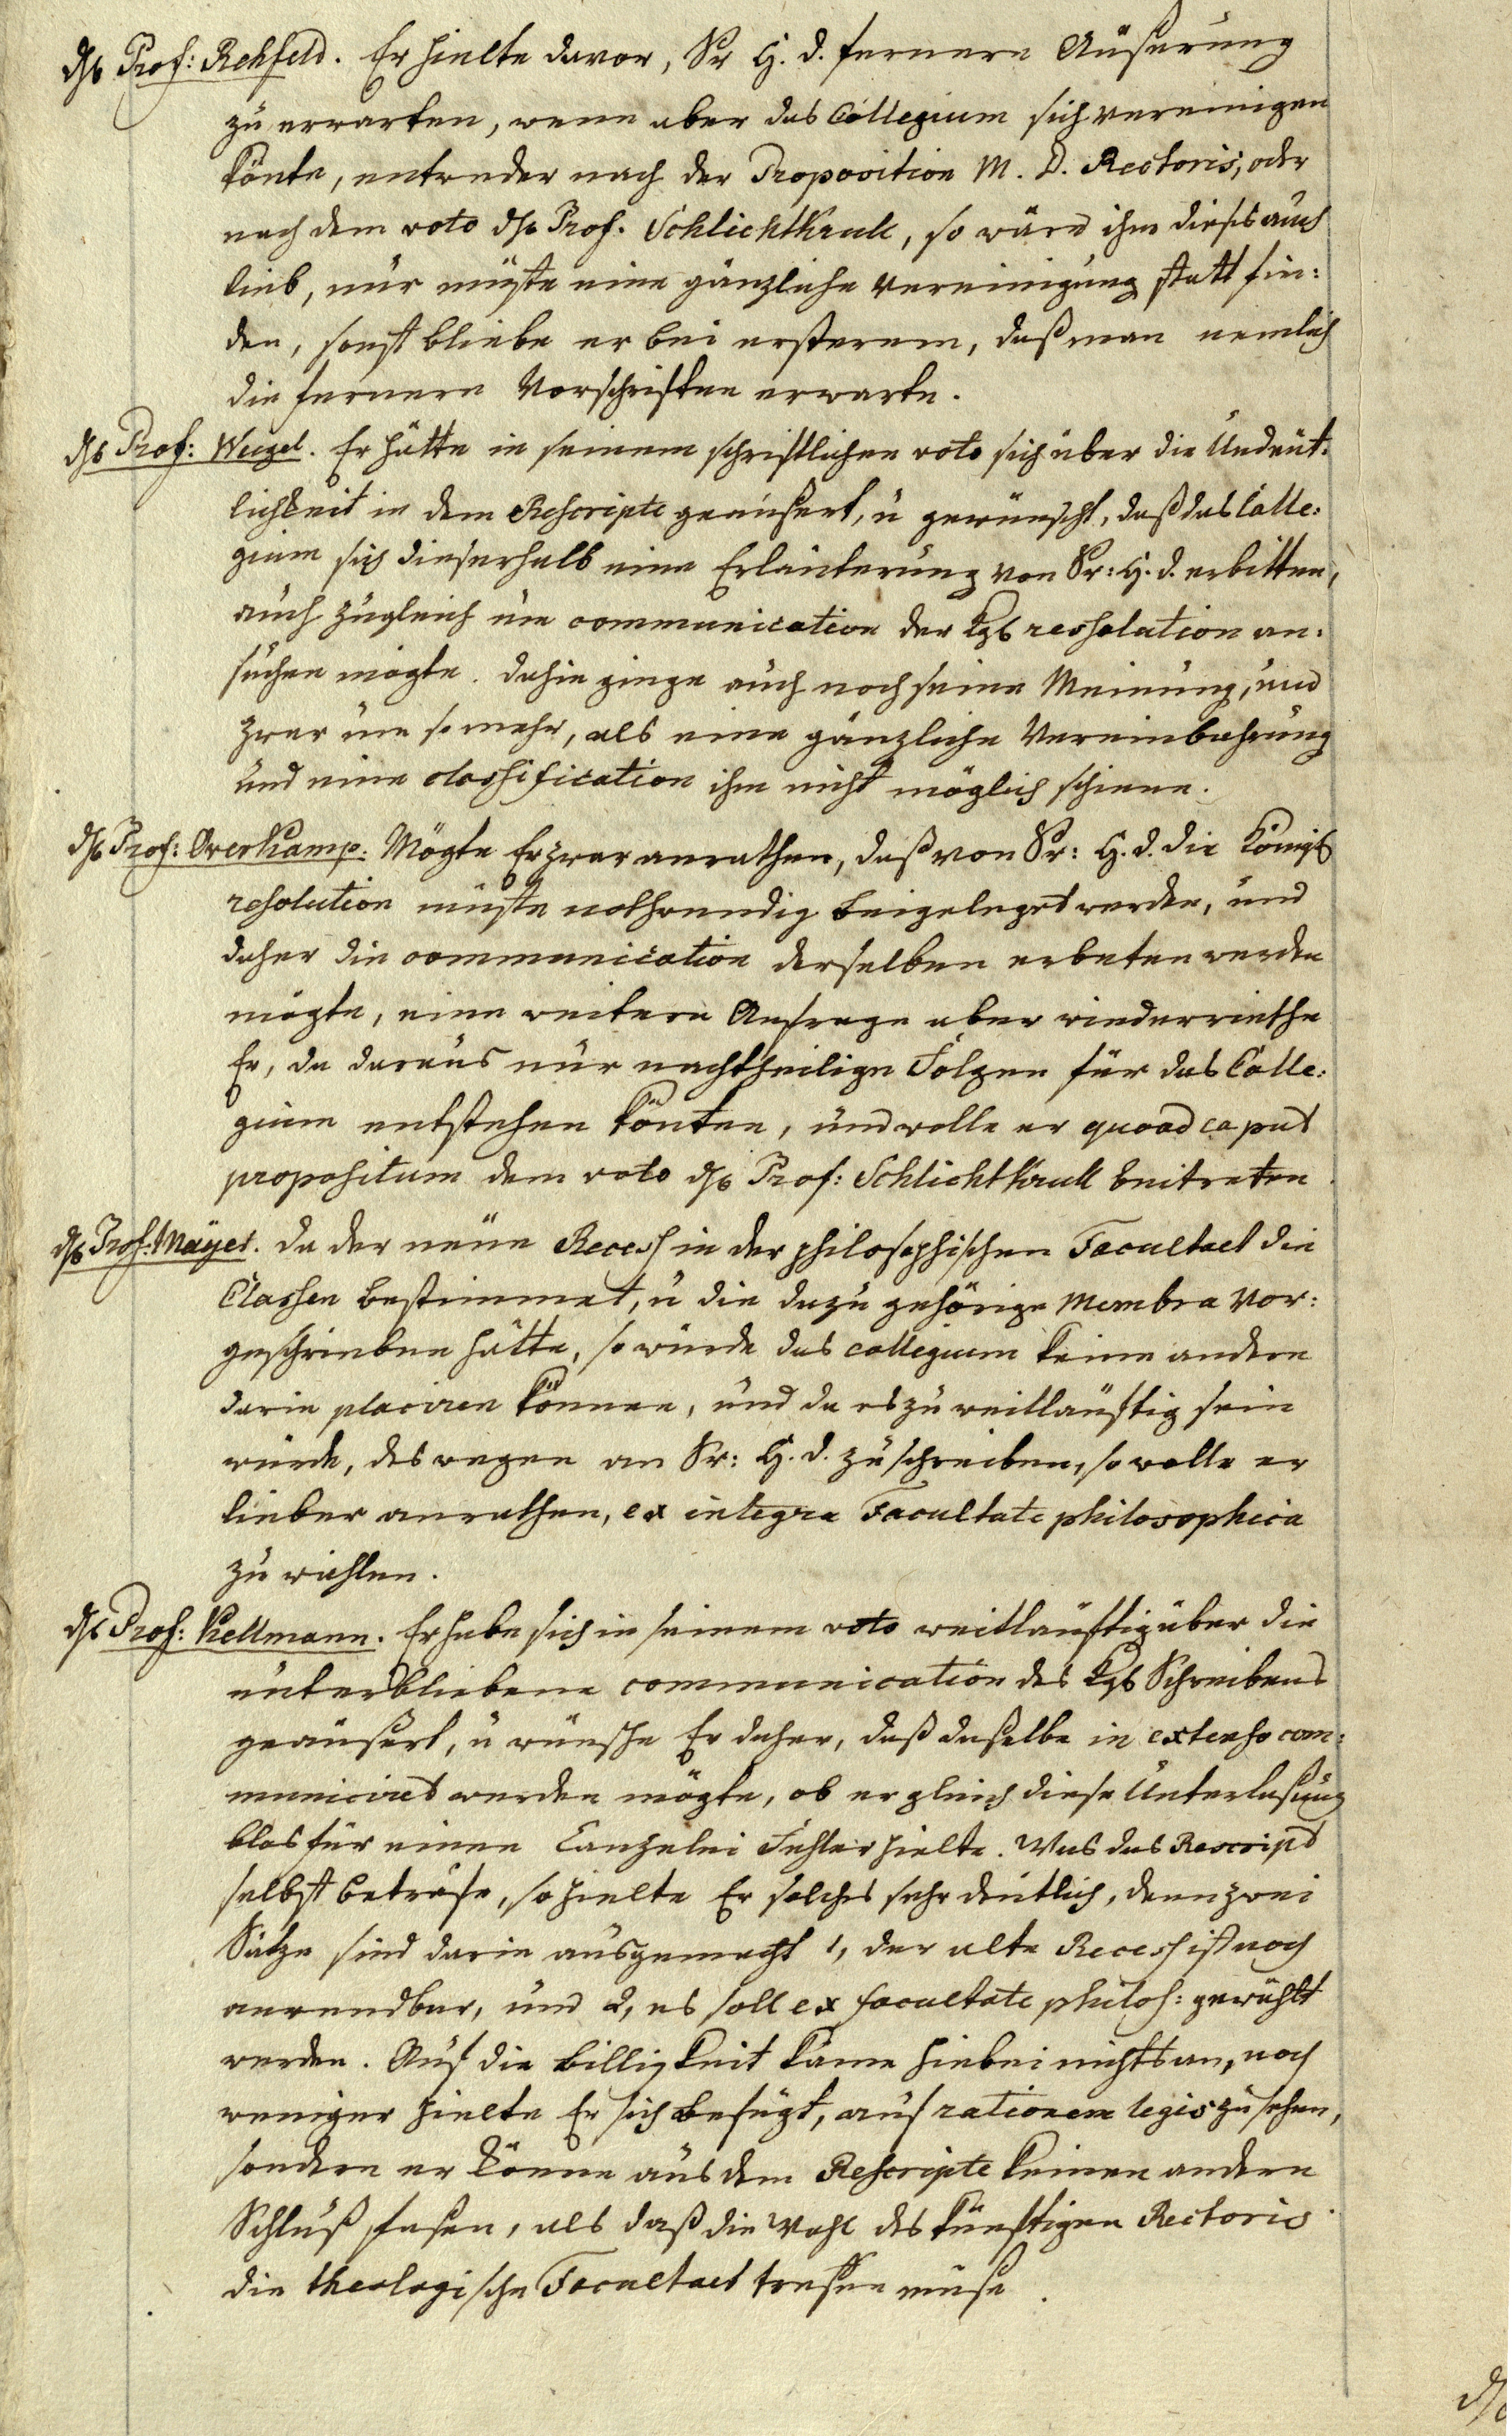dh. Prof. Rehfeld. Er hielte davor, Sr H. d. fernere Äußerung
zu erwarten, wenn aber das Collegium sich vereinigen
könte, entweder nach der Proposition M. D. Rectoris, oder
nach dem voto dh. Prof. Schlichtkrull, so wäre ihm dieses auch
lieb, nur müste eine gänzliche Vereinigung stattfin¬
den, sonst bliebe er bei ersterem, daß man nemlich
die ferneren Vorschriften erwarte.
dh. Prof. Weigel. Er hätte in seinem schriftlichen voto sich über die Undeut¬
lichkeit in dem Rescripte geäußert, u gewünscht, daß das Colle¬
gium sich dieser halb eine Erläuterung von Sr. H. d. erbitten,
auch zugleich eine communication der Kgl resolution an¬
suchen mögte. Dahin ginge auch noch seine Meinung, und
zwar um so mehr, als eine gänzliche Vereinbahrung
und eine classification ihm nicht möglich schiene.
dh. Prof. Overkamp. Mögte Er zwar anrathen, daß von Sr H. d. die Königl.
resolution müste nothwendig beigeleget werden, und
daher die communication derselben erbeten werden
mögte, eine weitere Anfrage aber wiederriethe
Er, da daraus nur nachtheilige Folgen für das Colle¬
gium entstehen könten, und wolle er quoad caput
propositum dem voto dh. Prof. Schlichtkrull beitreten.
dh. Prof. Maÿer. Da der neue Recess in der philosophischen Facultaet die
Classen bestimmet, u die dazu gehörige Membra vor¬
geschrieben hätte, so würde das collegium keinen andern
darin placiren können, und da es zu weitläuftig sein
würde, deswegen an seiner H. d. zu schreiben, so wolte er
lieber anrathen, ex integra Facultate philosophica
zu wählen.
dh. Prof. Kellmann. Er habe sich in seinem voto weitläuftig über die
unterbliebene communication des Kgl. Schreibens
geäußert, u wünsche Er daher, daß daßelbe in extenso com¬
municiret werden mögte, ob er gleich diese Unterlaßung
blos für einen Canzelei Fehler hielte. Was das Rescript
selbst beträfe, so hielte Er solches sehr deutlich, denn zwei
Sätze sind darin ausgemacht 1, der alte Recess ist noch
anwendbar, und 2, es soll ex facultate philos. gewählt
werden. Auf die Billigkeit käme hiebei nichts an, noch
weniger hielte Er sich befugt, auf rationem legis zu sehen,
sondern er könne aus dem Rescripte keinen andern
Schluß faßen, als daß die Wahl des künftigen Rectoris
die theologische Facultaet treffen müße.